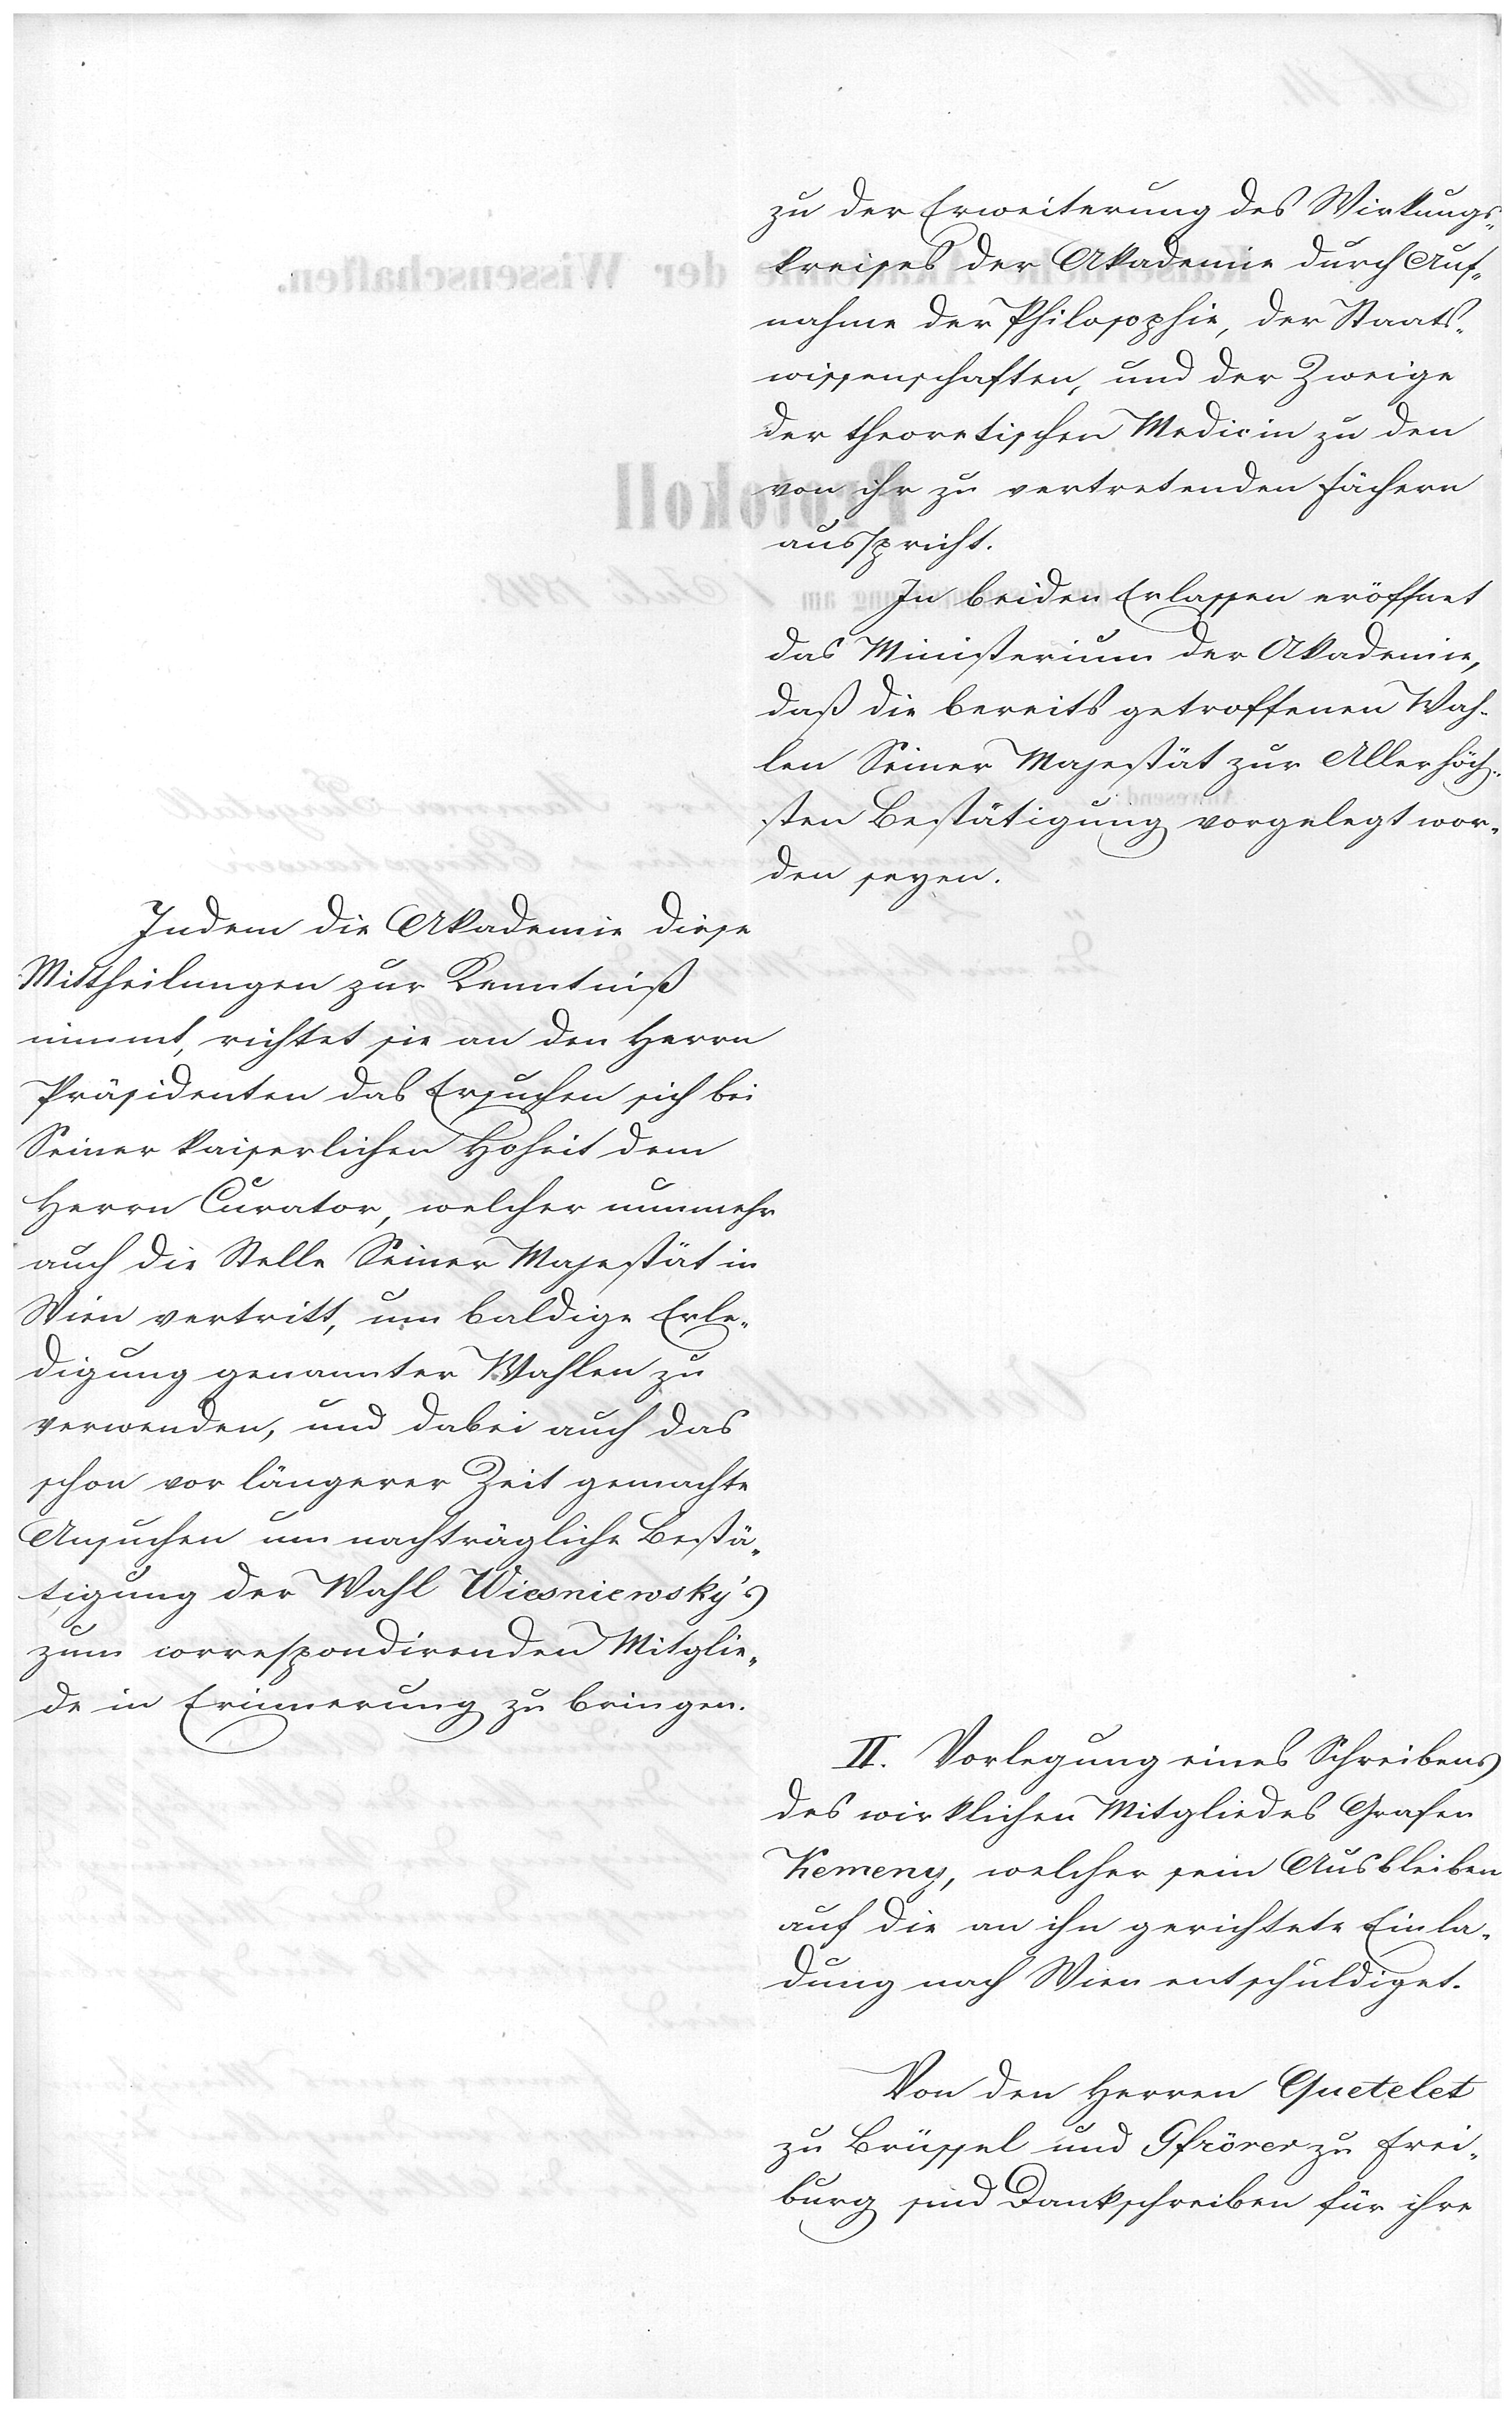zu der Erweiterung des Wirkungs
kreises der Akademie durch Auf-
nahme der Philosophie, der Staats-
wissenschaften und der Zweige
der theoretischen Medicin zu den
von ihr zu vertretenden Fächern
ausspricht.
In beiden Erlassen eröffnet
das Ministerium der Akademie,
daß die bereits getroffenen Wah-
len Seiner Majestät zur Allerhöch-
sten Bestätigung vorgelegt wor-
den seyen.
Indem die Akademie diese
Mittheilungen zur Kenntniß
nimmt, richtet sie an den Herrn
Präsidenten das Ersuchen sich bei
Seiner kaiserlichen Hoheit dem
Herrn Curator, welcher nunmehr
auch die Stelle Seiner Majestät in
Wien vertritt, um baldige Erle-
digung genannter Wahlen zu
verwenden, und dabei auch das
schon vor längerer Zeit gemachte
Ansuchen um nachträgliche Bestä-
tigung der Wahl Wiesniewsky's
zum correspondirenden Mitglie-
de in Erinnerung zu bringen.
II. Vorlegung eines Schreibens
des wirklichen Mitgliedes Grafen
Kemeny, welcher sein Ausbleiben
auf die an ihn gerichtete Einla-
gung nach Wien entschuldiget.
Von den Herren Quetelet
zu Brüssel und Gfrörer zu Frei-
burg sind Dankschreiben für ihre